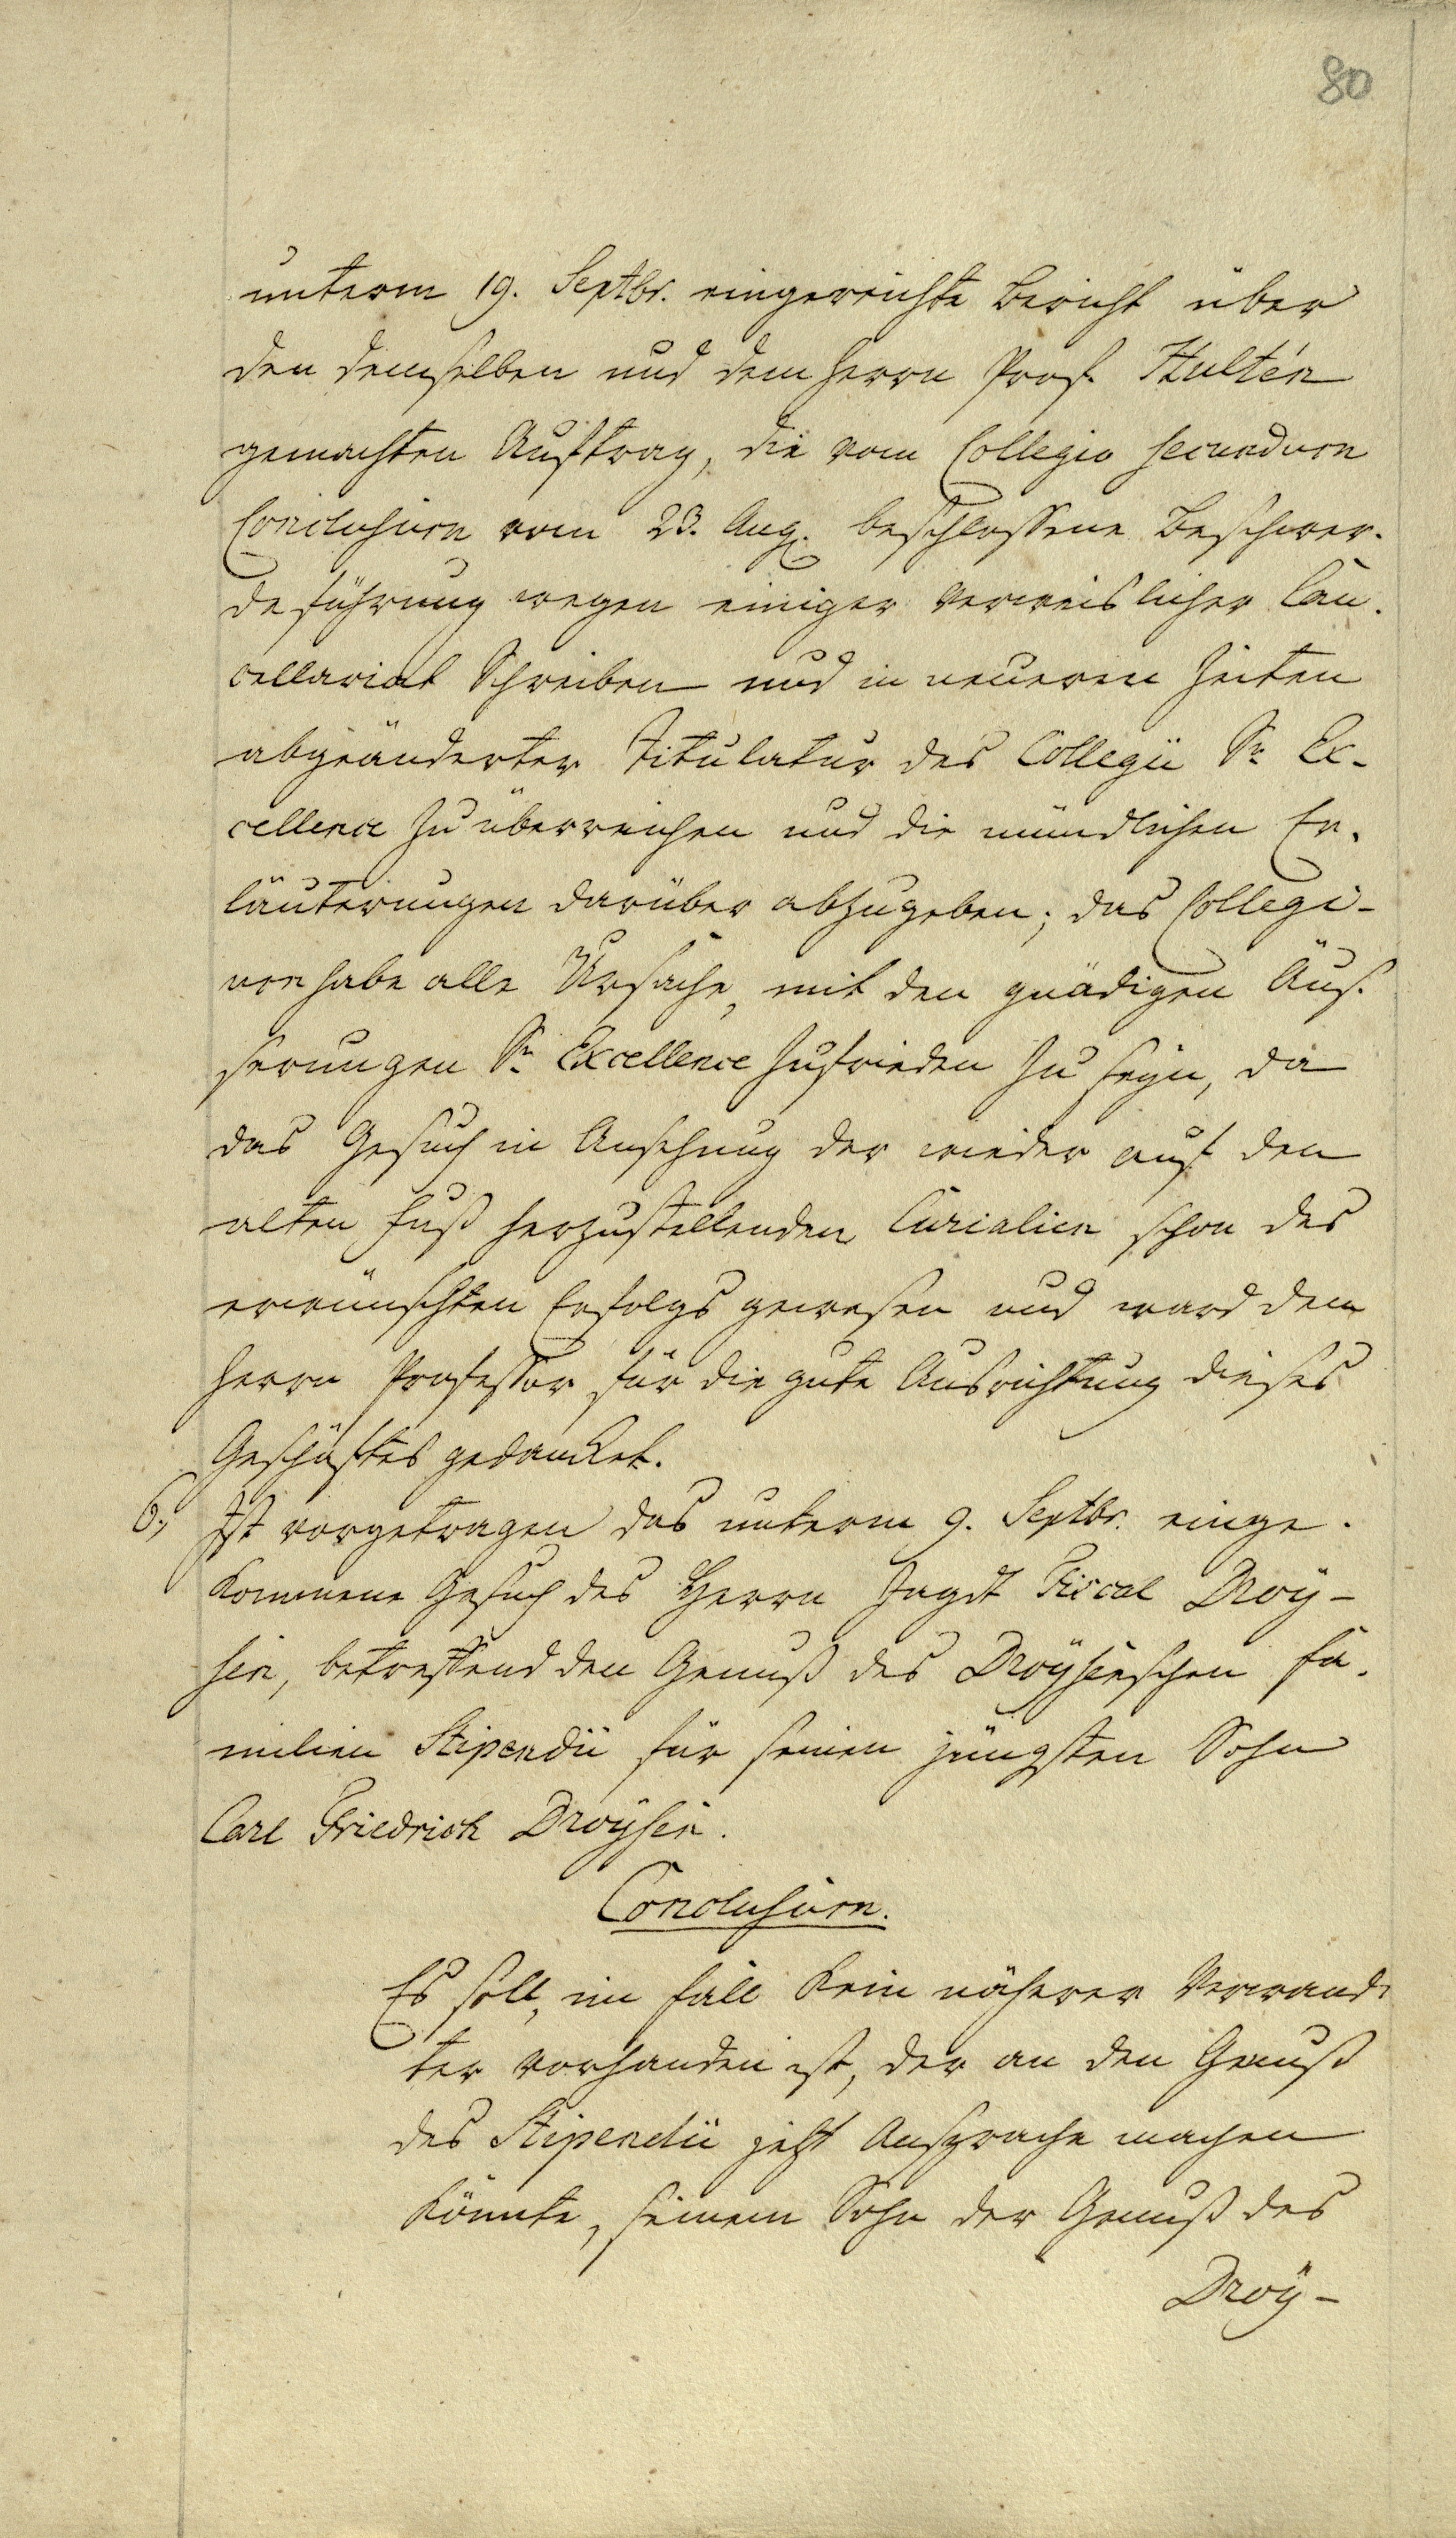unterm 19. Septbr. eingereichte Bericht über
den demselben und dem Herrn Prof. Hultén
gemachten Auftrag, die vom Collegio secundum
Conclusum vom 23. Aug. beschlossene Beschwer¬
deführung wegen einiger verweislicher Can¬
cellariat Schreiben und in neueren Zeiten
abgeänderter Titulatur des Collegii Sr Ex¬
cellence zu überreichen und die mündlichen Er¬
läuterungen darüber abzugeben; das Collegi¬
um habe alle Ursache, mit den gnädigen Äus¬
serungen Sr Excellence zufrieden zu seÿn, da
das Gesuch in Ansehung der wieder auf den
alten Fuß herzustellenden Curialien schon des
erwünschten Erfolgs gewesen und ward dem
Herrn Professor für die gute Ausrichtung dieses
Geschäftes gedancket.
6. Ist vorgetragen das unterm 9. Septbr. einge¬
kommene Gesuch des Herrn Jagdt Fiscal Droÿ¬
sen, betreffend den Genuß des Doÿsenschen Fa¬
milien Stipendii für seinen jüngsten Sohn
Carl Friedrich Droÿsen.
Conclusum.
Es soll, im Fall kein näherer Verwand¬
ter vorhanden ist, der an den Genuß
des Stipendii jetzt Ansprache machen
könnte, seinem Sohn der Genuß des
Droÿ¬